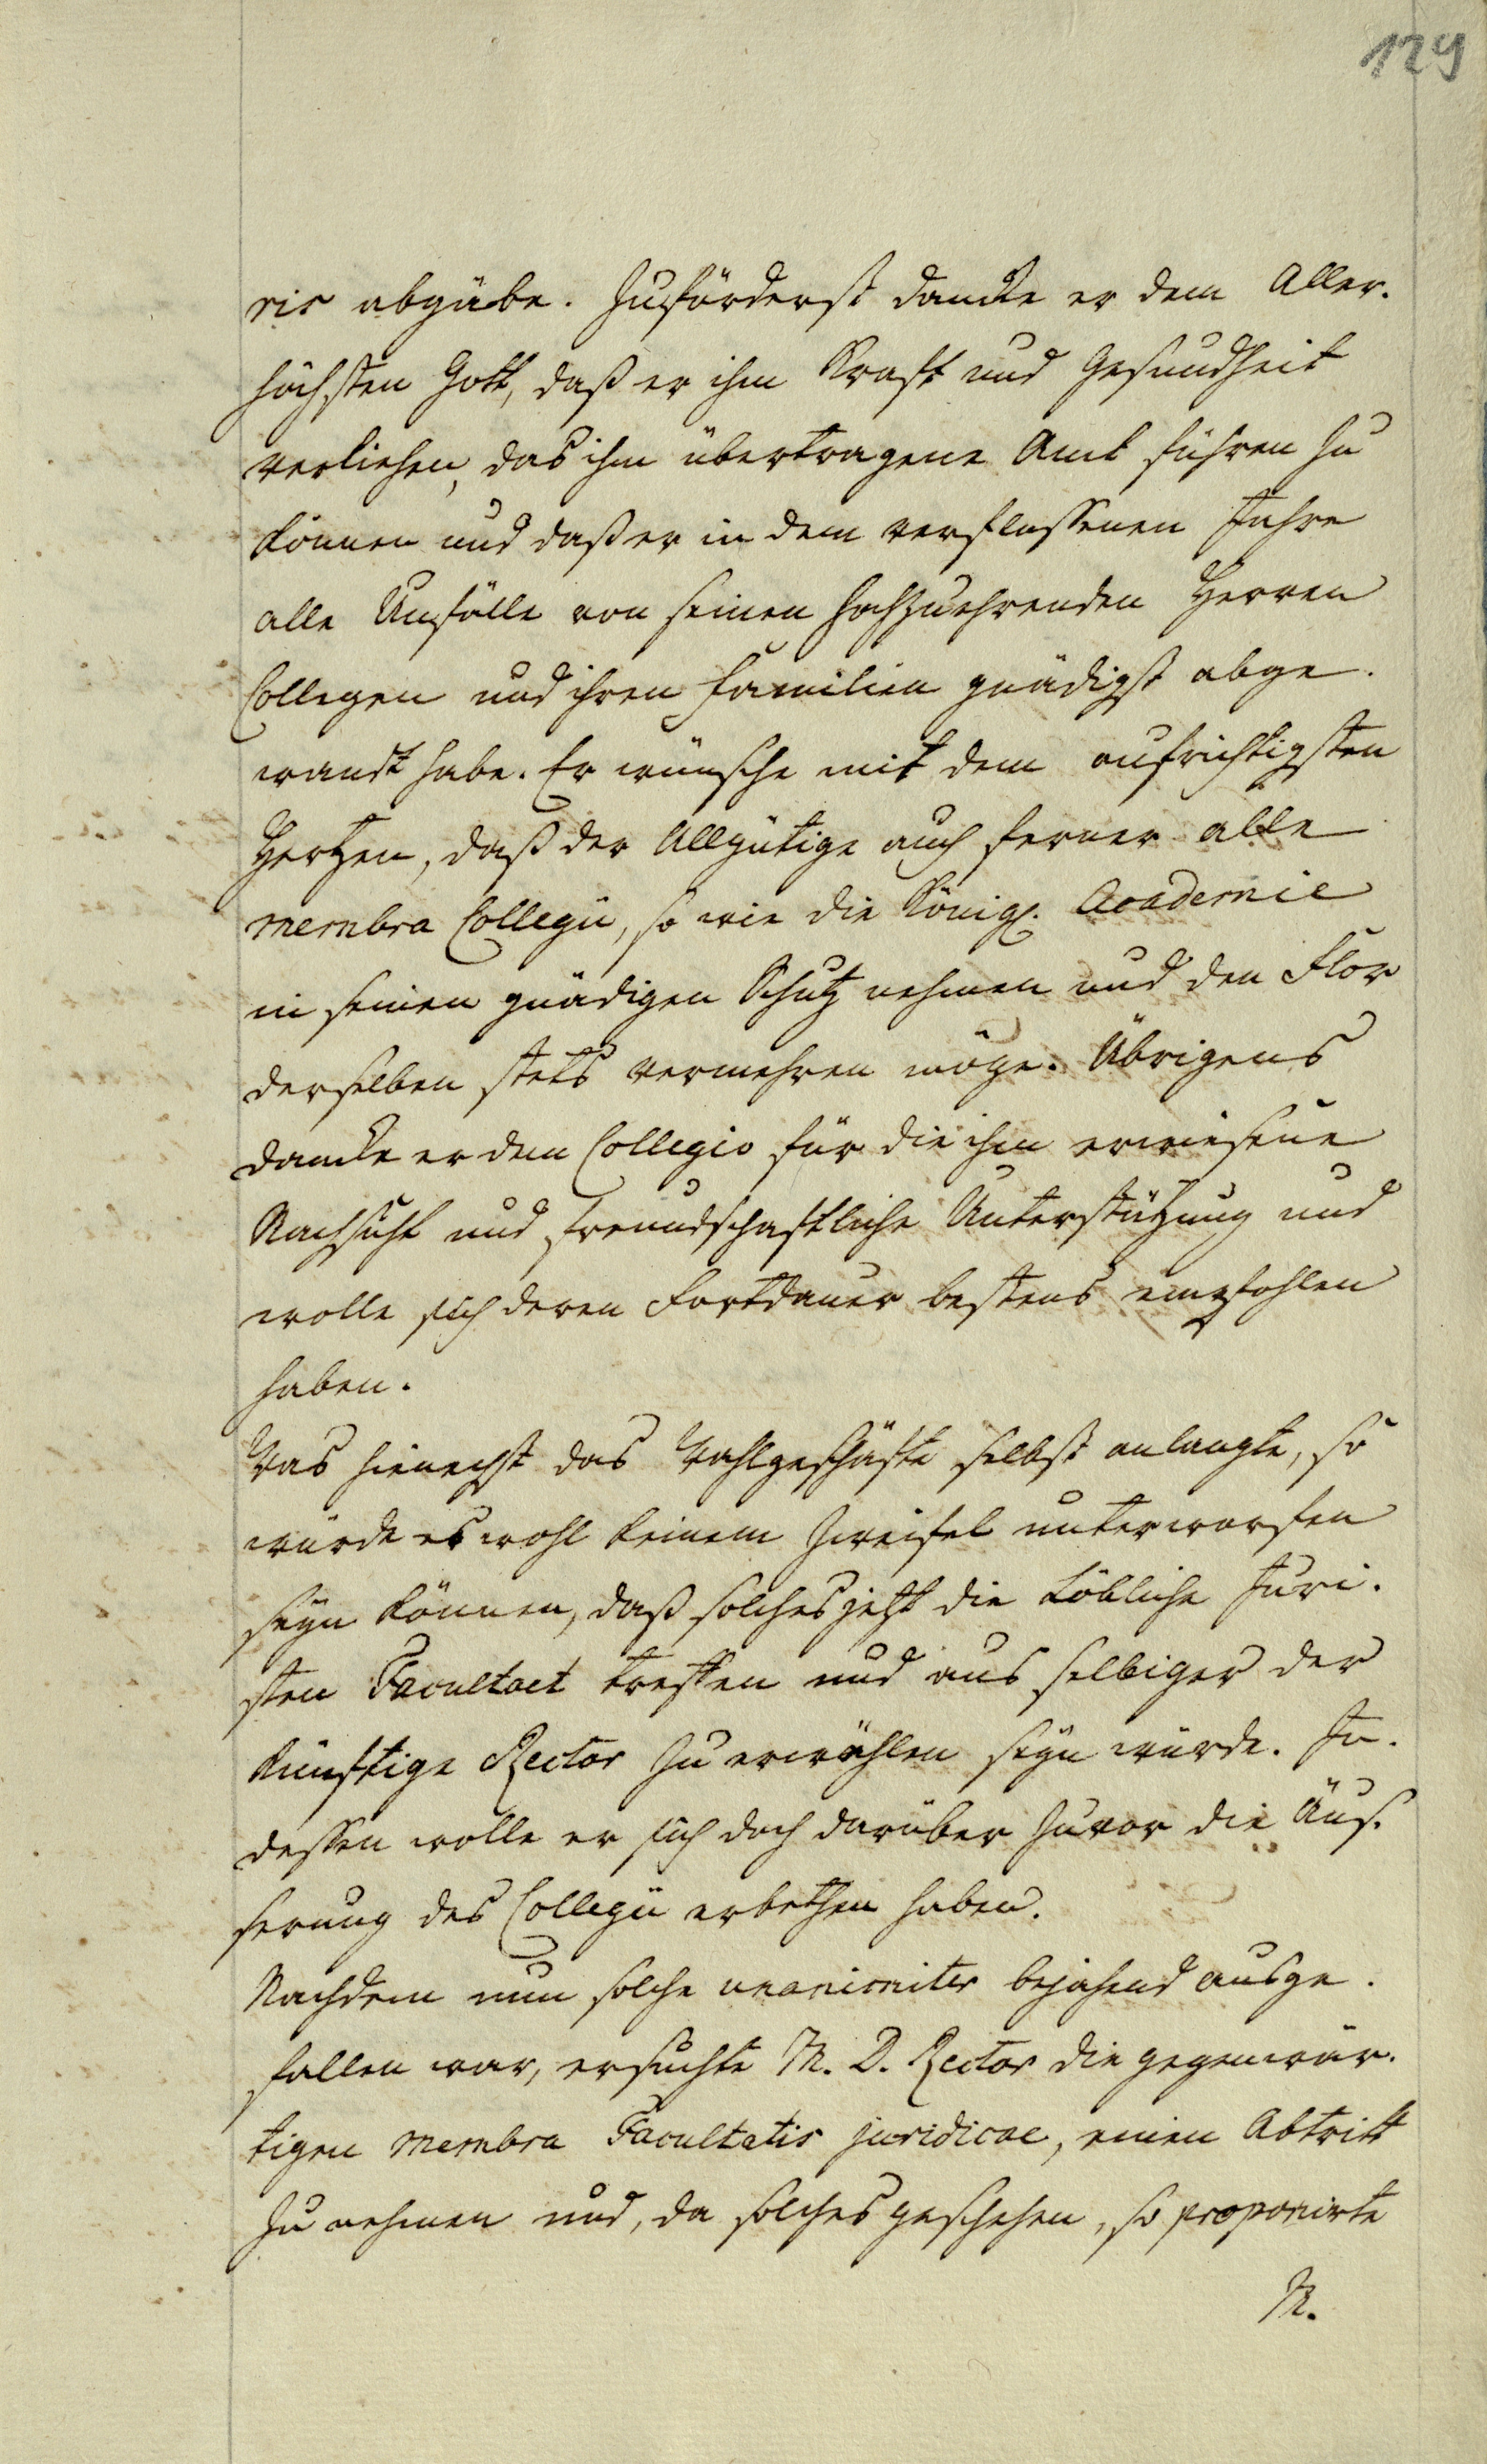ris abgäbe. Zuförderst dancke er dem Aller¬
höchsten Gott, daß er ihm Kraft und Gesundheit
verliehen, das ihm übertragene Amt führen zu
können und daß er in dem verflossenen Jahre
alle Unfälle von seinen hochzuehrenden Herren
Collegen und ihren Familien gnädigst abge¬
wandt habe. Er wünsche mit dem aufrichtigsten
Herzen, daß der Allgütige auch ferner alle
membra Collegii, so wie die Königl. Academie
in seinen gnädigen Schutz nehmen und den Flor
derselben stets vermehren möge. Übrigens
dancke er dem Collegio für die ihm erwiesene
Nachsicht und freundschaftliche Unterstützung und
wolle sich deren Fortdauer bestens empfohlen
haben.
Was hienechst das Wahlgeschäfte selbst anlangte, so
würde es wohl keinem Zweifel unterworfen
seÿn können, daß solches jetzt die Löbliche Juri¬
sten Facultaet treffen und aus selbiger der
künftige Rector zu erwählen seÿn würde. In¬
dessen wolle er sich doch darüber zuvor die Äus¬
serung des Collegii erbethen haben.
Nachdem nun solche unanimiter bejahend ausge¬
fallen war, ersuchte M. D. Rector die gegenwär¬
tigen membra Facultatis juridicae, einen Abtritt
zu nehmen und, da solches geschehen, so proponirte
N